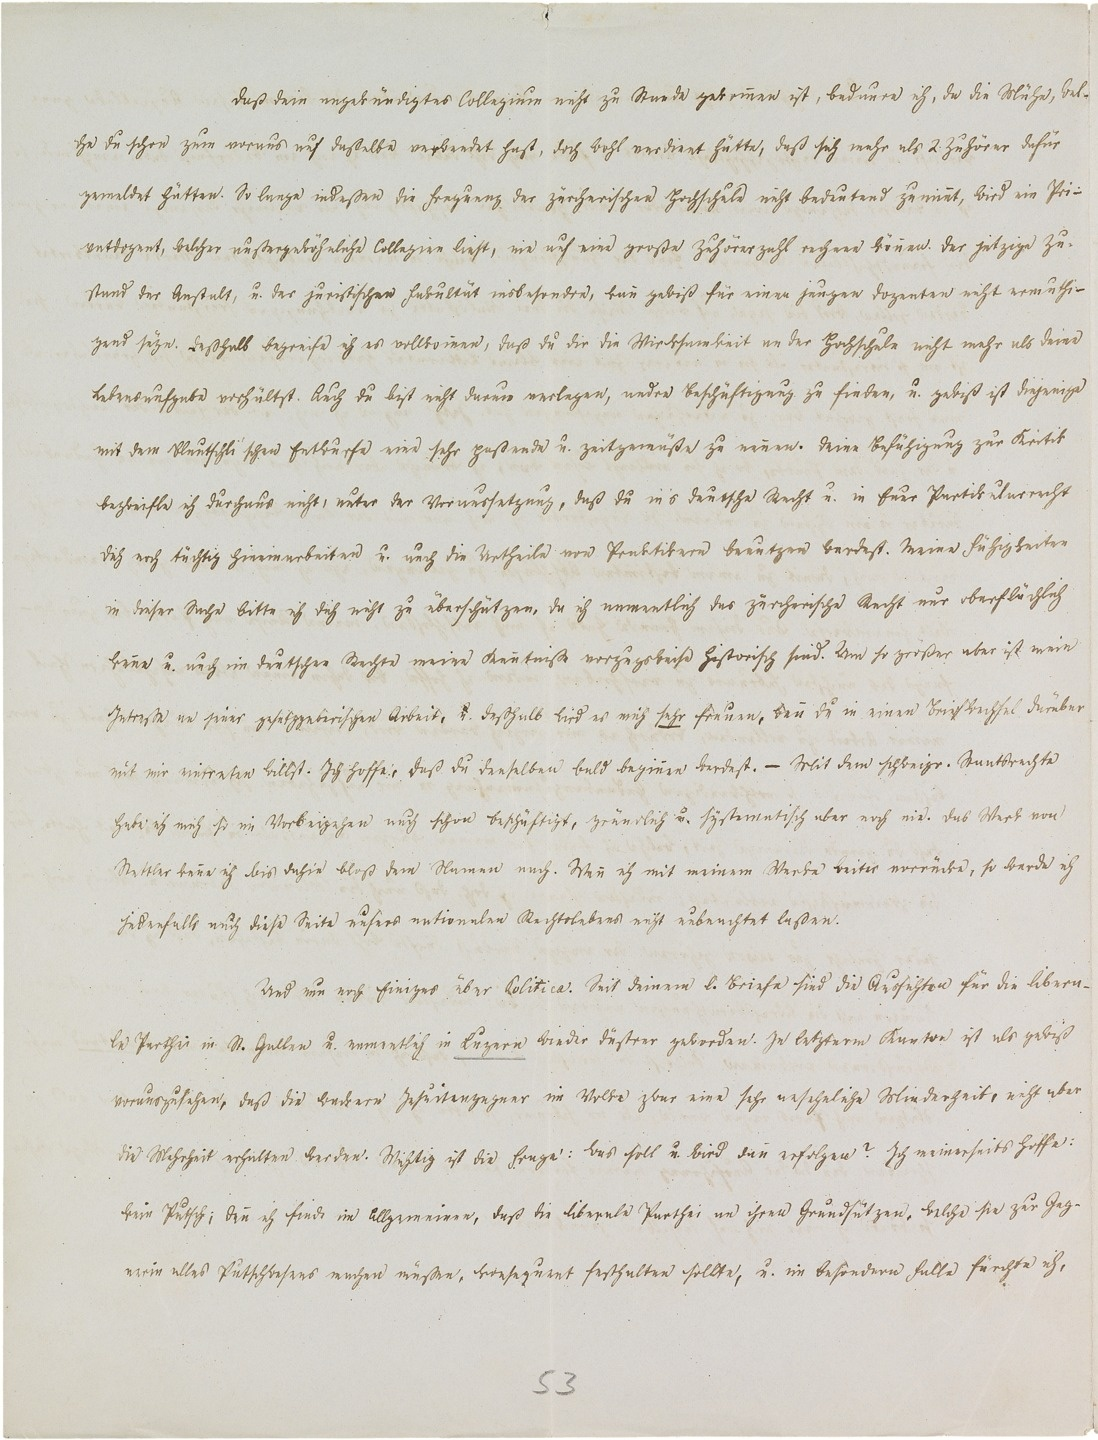Daß dein angekündigtes Collegium nicht zu Stande gekommen ist, bedaure ich, da die Mühe, wel-
che du schon zum voraus auf dasselbe verwendet hast, doch wohl verdient hätte, daß sich mehr als 2 Zuhörer dafür
gemeldet hätten. So lange indeßen die Frequenz der zürcherischen Hochschule nicht bedeutend zunimmt, wird ein Pri-
vatdozent, welcher außergewöhnliche Collegien liest, nie auf eine große Zuhörerschaft rechnen können. Der jetzige Zu-
stand der Anstalt, u. der juristischen Fakultät insbesondre, kann gewiß für einen jungen Dozenten nicht ermuthi-
gend seyn. Deßhalb begreife ich es vollkommen, daß du dir die Wirksamkeit an der Hochschule nicht mehr als deine
Lebensaufgabe vorhältst. Auch du bist nicht darum verlegen, andre Beschäftigung zu finden, u. gewiß ist diejenige
mit dem Blutschli'schen Entwurfe eine sehr paßende u. zeitgemäße zu nennen. Deine Befähigung zur Kritik
bezweifle ich durchaus nicht, unter der Voraussetzung, daß du in's deutsche Recht u. in Euer Partikularrecht
dich noch tüchtig hineinarbeiten u. auch die Urtheile von Praktikern benutzen werdest. Meine Fähigkeiten
in dieser Sache bitte ich dich nicht zu überschätzen, da ich namentlich das zürcherische Recht nur oberflächlich
kenne u. auch im deutschen Rechte meine Kenntniße vorzugsweise historisch sind. Um so größer aber ist mein
Intreße an jener gesetzgeberischen Arbeit, u. deßhalb wird es mich sehr freuen, wenn du in einen Briefwechsel darüber
mit mir eintreten willst. Ich hoffe, daß du denselben bald beginnen werdest. – Mit dem schweizr. Staatsrechte
habe ich mich so im Vorbeigehen auch schon beschäftigt, gründlich u. systematisch aber noch nie. Das Werk von
Stettler kenne ich bis dahin bloß dem Namen nach. Wenn ich mit meinem Werke weiter vorrücke, so werde ich
jedenfalls auch diese Seite unsers nationalen Rechtslebens nicht unbeachtet laßen.
Und nun noch Einiges über Politica. Seit deinem l. Briefe sind die Aussichten für die libera-
le Parthei in St. Gallen u. namentlich in Luzern wieder düstrer geworden. In letzterm Kanton ist als gewiß
vorauszusehen, daß die wackern Jesuitengegner im Volke zwar eine sehr ansehnliche Minderheit, nicht aber
die Mehrheit erhalten werden. Wichtig ist die Frage: was soll u. wird dann erfolgen? Ich meinerseits hoffe:
kein Putsch; denn ich finde im Allgemeinen, daß die liberale Parthei an ihren Grundsätzen, welche sie zur Geg-
nerin alles Putschwesens machen müßen, konsequent festhalten sollte, u. im besondern Falle fürchte ich,